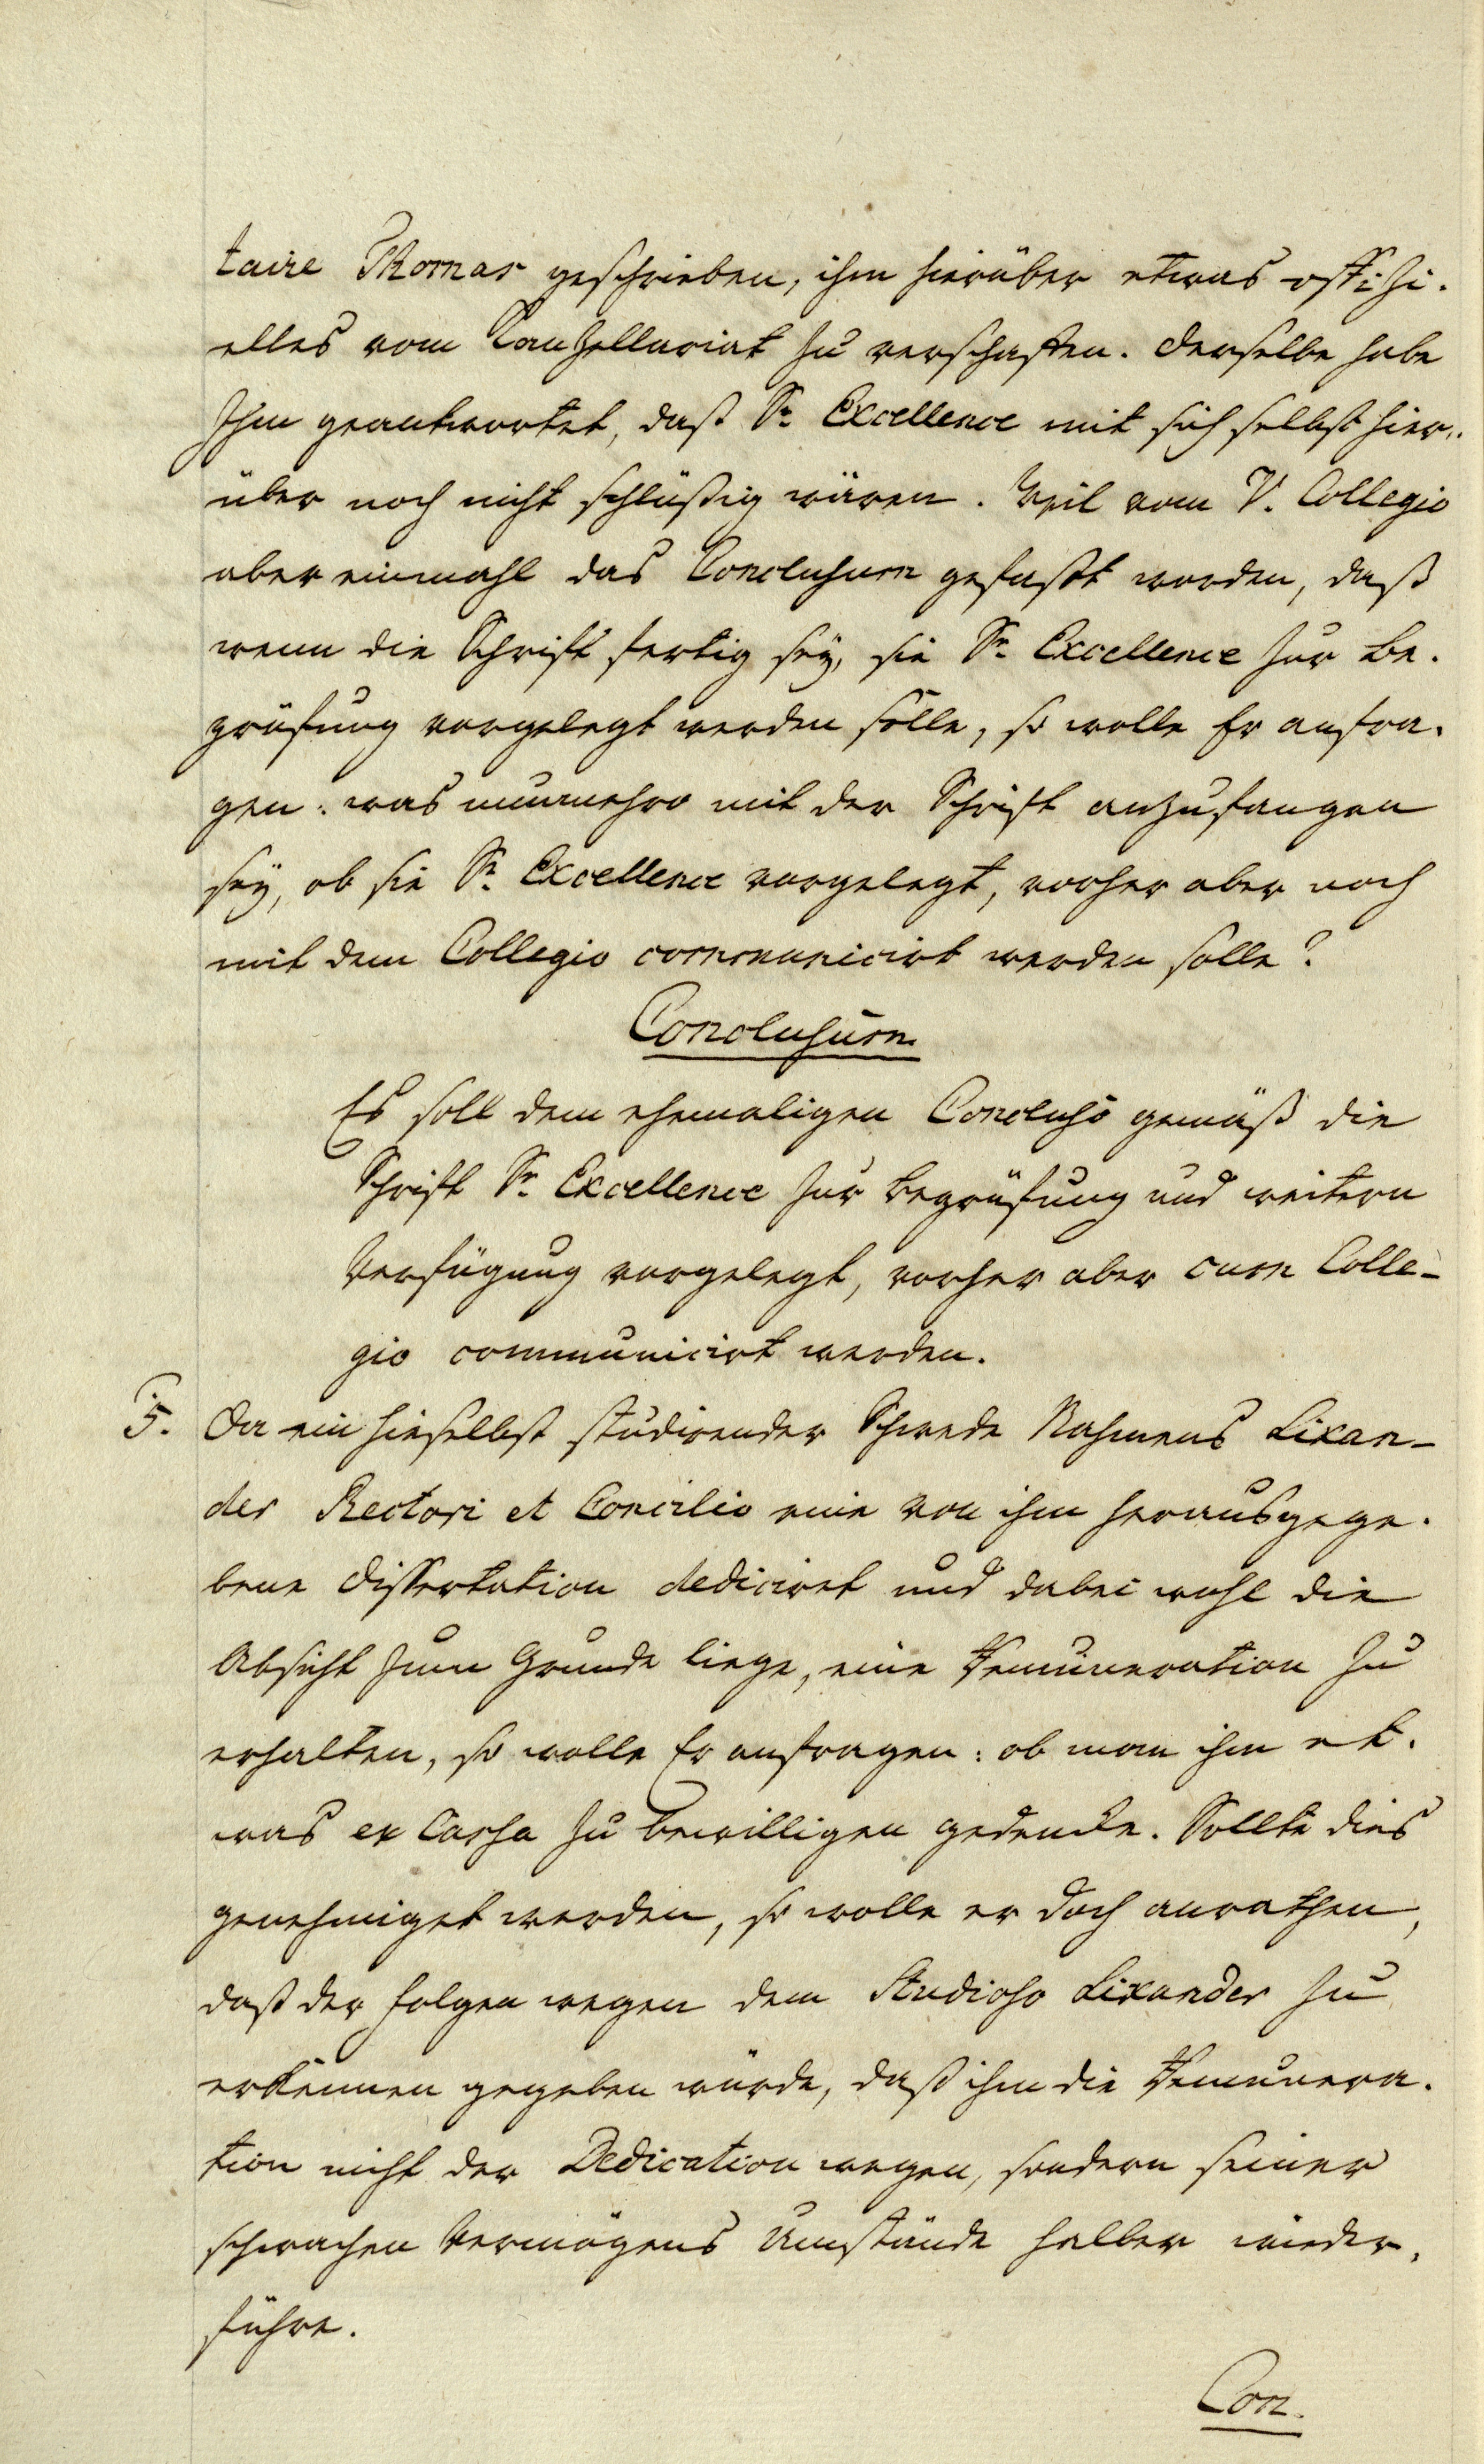taire Thomas geschrieben, ihm hierüber etwas offizi¬
elles vom Kanzellariat zu verschaffen. Derselbe habe
Ihm geantwortet, daß Sr Excellence mit sich selbst hier¬
über noch nicht schlüssig wären. Weil vom V. Collegio
aber einmahl das Conclusum gefaßt worden, daß
wenn die Schrift fertig seÿ, sie Sr Excellence zur Be¬
prüfung vorgelegt werden solle, so wolle Er anfra¬
gen: was nunmehro mit der Schrift anzufangen
seÿ, ob sie Sr. Excellence vorgelegt, vorher aber noch
mit dem Collegio communicirt werden solle?
Conclusum.
Es soll dem ehemaligen Concluso gemäß die
Schrift Sr Excellence zur Beprüfung und weitern
Verfügung vorgelegt, vorher aber cum Colle¬
gio communicirt werden.
5. Da ein hieselbst studirender Schwede Nahmens Likan¬
der Rectori et Concilio eine von ihm herausgege¬
bene dissertation dediciret und dabei wohl die
Absicht zum Grunde liege, eine Remuneration zu
erhalten, so wolle Er anfragen: ob man ihm et¬
was ex Cassa zu bewilligen gedencke. Sollte dies
genehmiget werden, so wolle er doch anrathen,
daß der Folgen wegen dem Studioso Likander zu
erkennen gegeben würde, daß ihm die Remunera¬
tion nicht der Dedication wegen, sondern seiner
schwachen Vermögens Umstände halben wieder¬
führe.
Con.